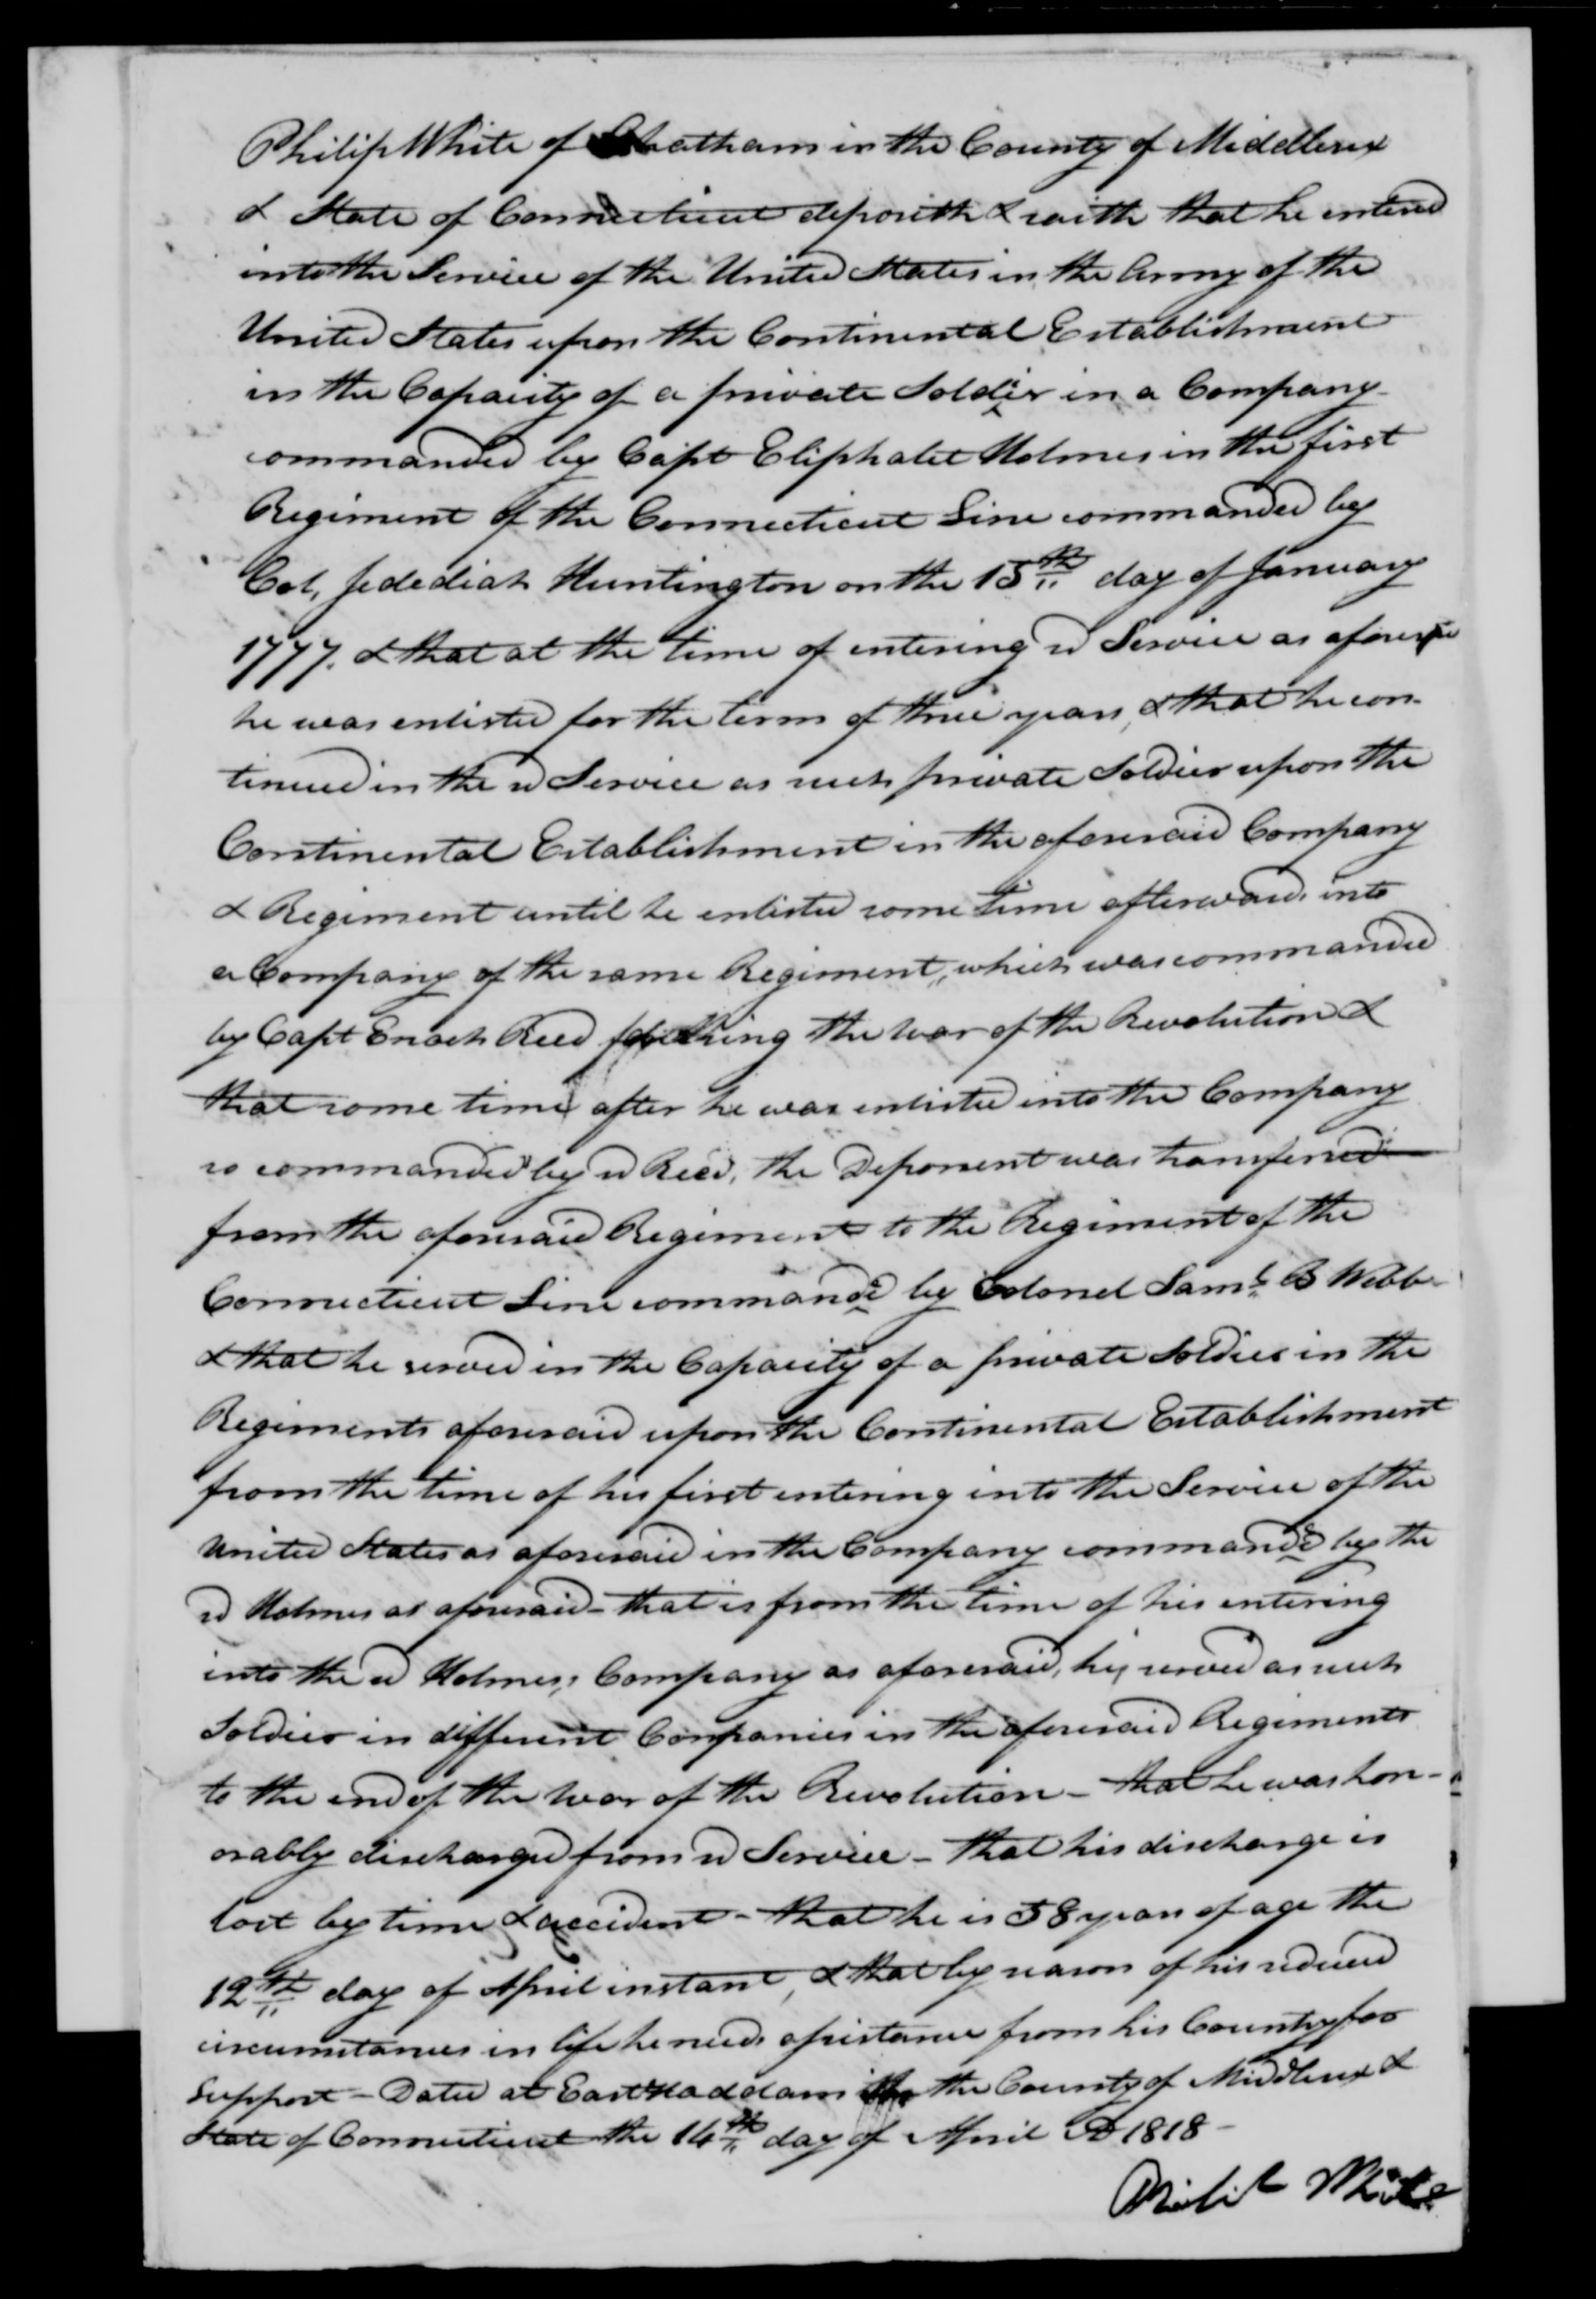Philip White of Chatham in the County of Middlesex
State of Connecticut deposith & saith that he entered
into the service of the United States in the Army of the
United States upon the Continental Establishment
in the Capacity of a private Soldier in a Company
commanded by Capt Eliphalet Holmes in the first
Regiment of the Connecticut Line commanded by
Col. Jedediah Huntington on the 15th day of January
1777 & that at the time of entering in service as aforesaid
he was enlisted for the term of three years, & that he continued
in the service as such private soldier upon the
Continental Establishment in the aforesaid Company
& Regiment until he enlisted some time afterward into
a Company of the same Regiment, which was commanded
by Capt Enoch Ried [illegible] the war of the Revolution &
that some time after he was enlisted into the Company
commanded by sd Ried, the Deponent was transferred
from the aforesaid Regiment to the Regiment of the
Connecticut Line commanded by Colonel Saml B Webb
& that he served in the Capacity of a private Soldier in the
Regiments aforesaid upon the Continental Establishment
for the time of his first entering into the service of the
United States as aforesaid in the Company commanded by the
sd Holmes as aforesaid_ that is from the time of his entering
into the sd Holmes Company as aforesaid, his served as such
soldier in different companies in the aforesaid Regiment
to the end of the war of the Revolution_ that he was 
honorably discharged from service - that his discharge is
lost by time & accident that he is 58 years of age the
12th day of April instant, & that by reason of his reduced
circumstances in life he needs assistance from his Country for
Support - Dated at East Haddam the County of Middlesex &
State of Connecticut the 14th day of April AD 1818
Philip White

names: Enoch Reed, Jedediah Huntington, Saml B Webb, Eliphalet Holmes, Philip White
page: 4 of 50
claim: widow's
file: W. 25,969, Philip White, Conn.